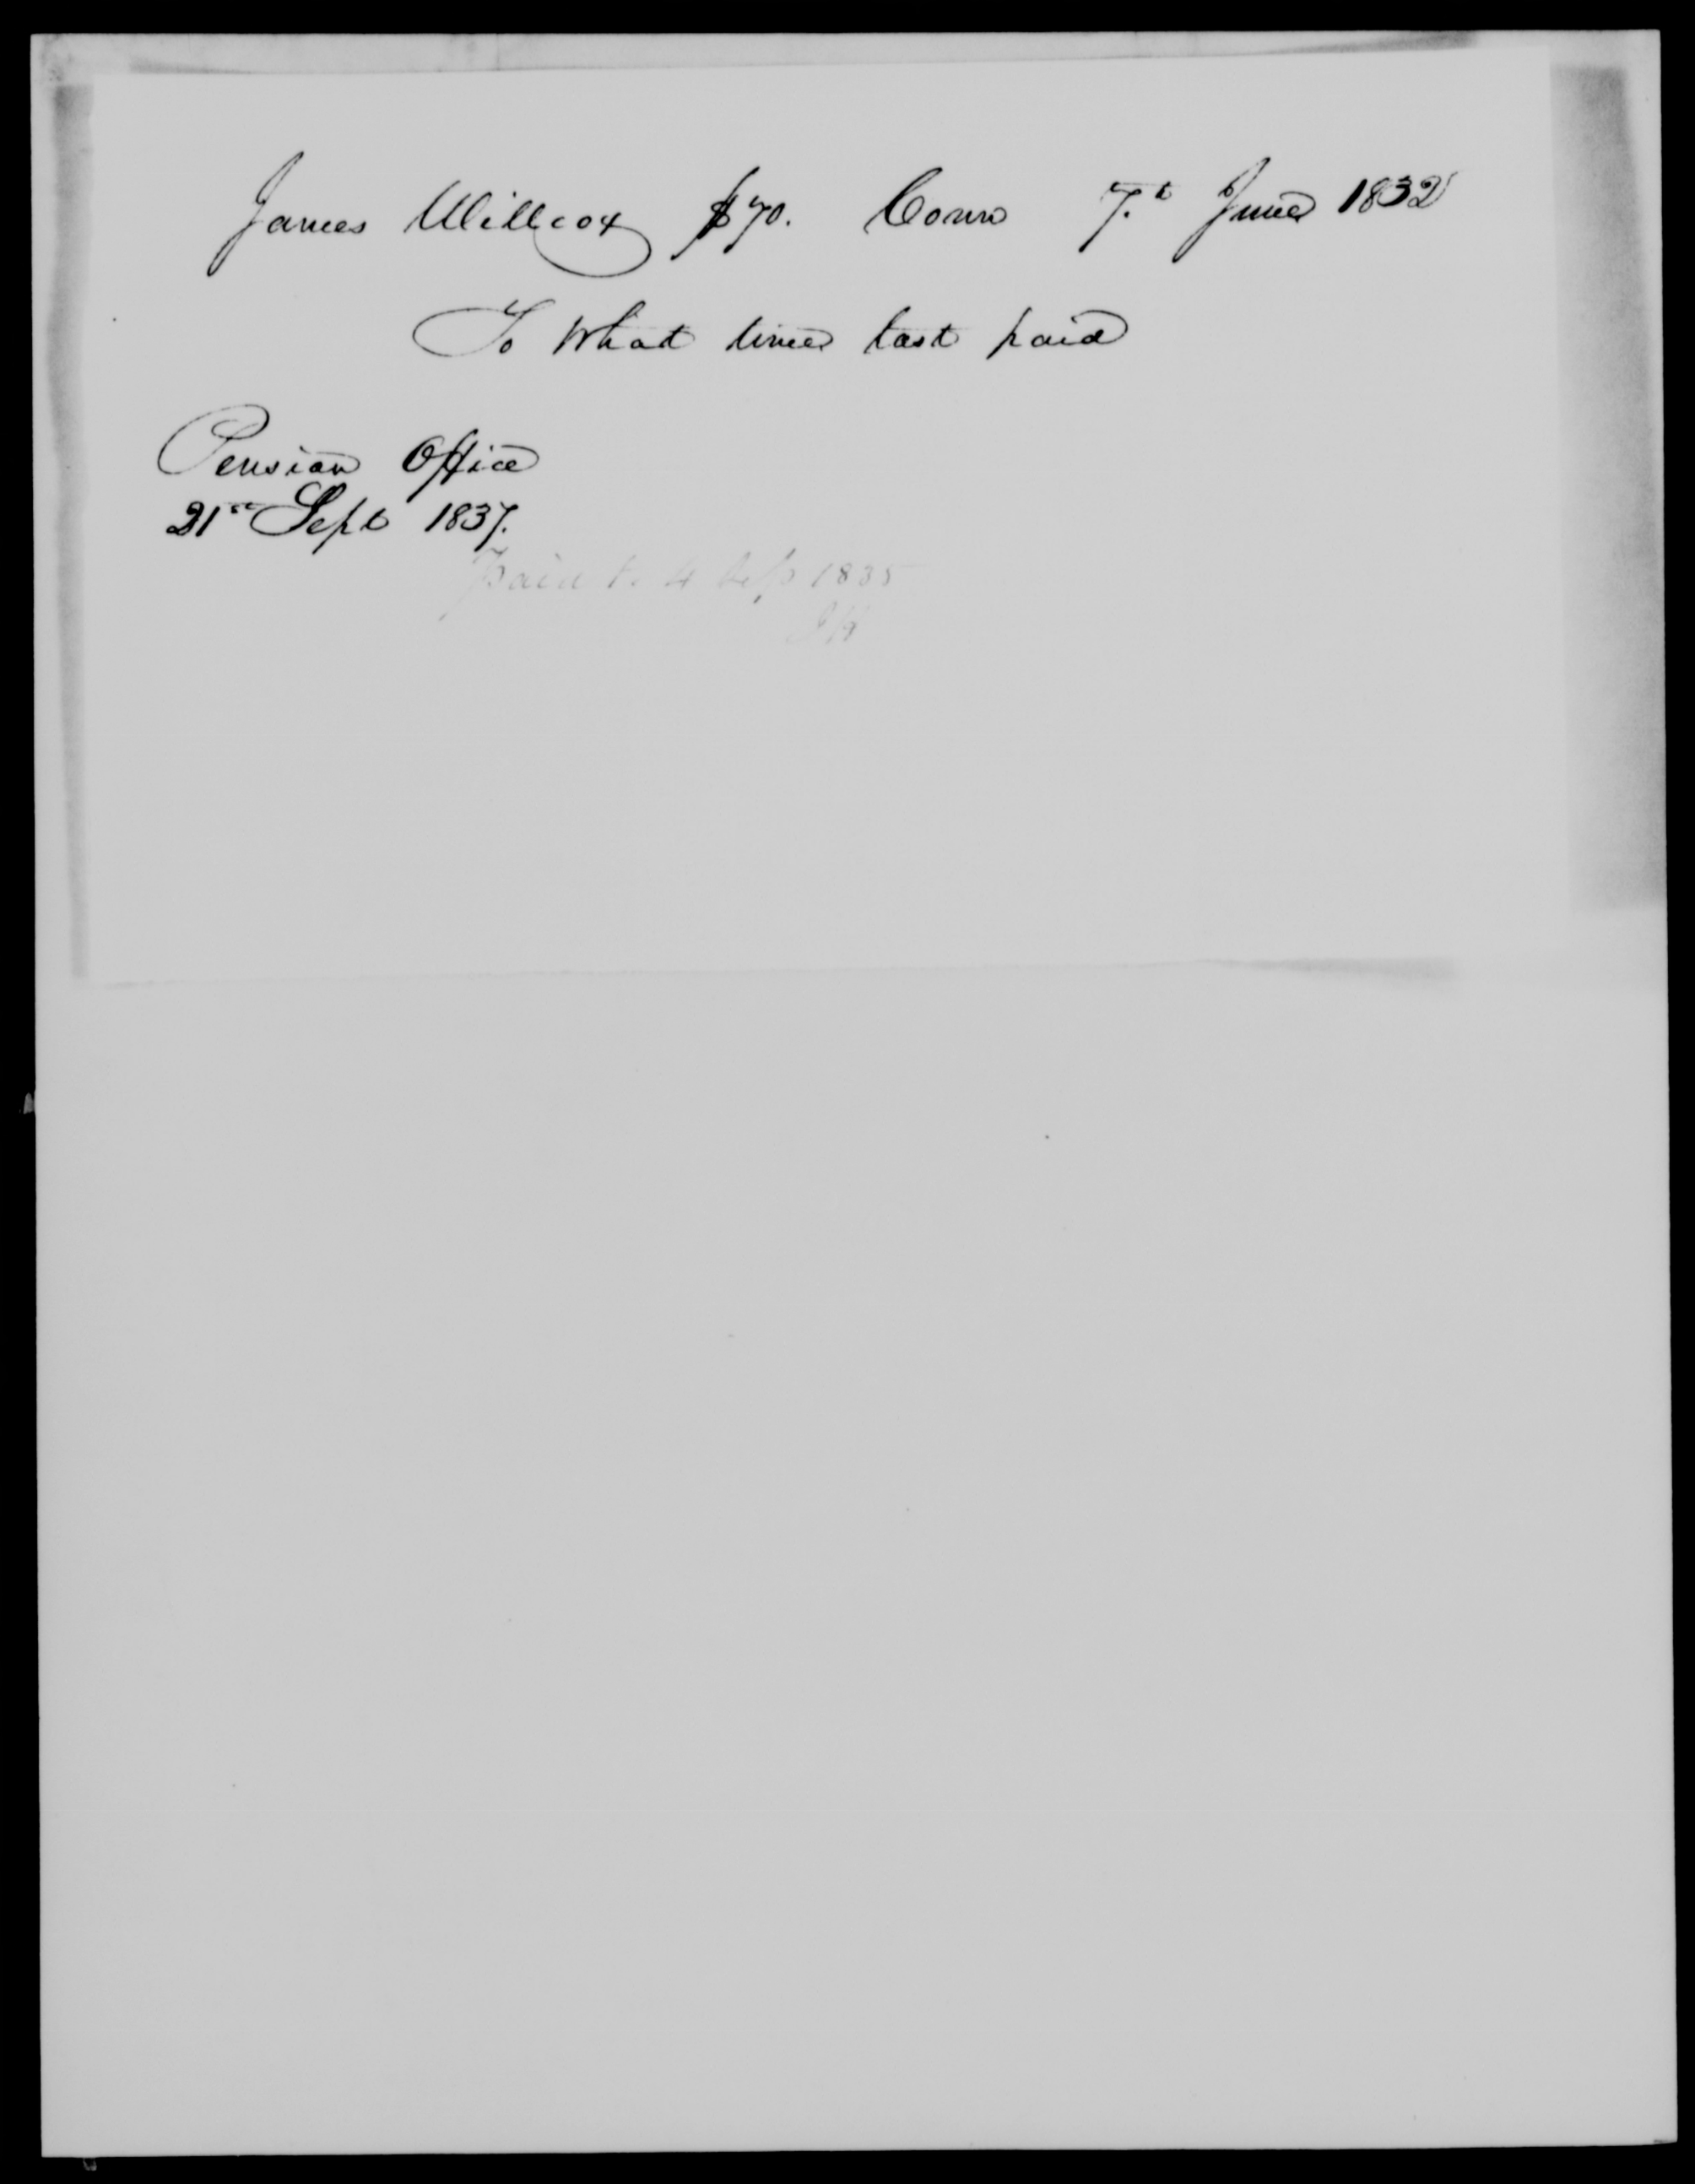James Willcox $70 Conn 7h June 1832
To What time last paid
Pension Office
21st Sept 1837.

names: James Willcox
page: 37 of 46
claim: widow's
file: W. 18,417, James Willcox, Conn.